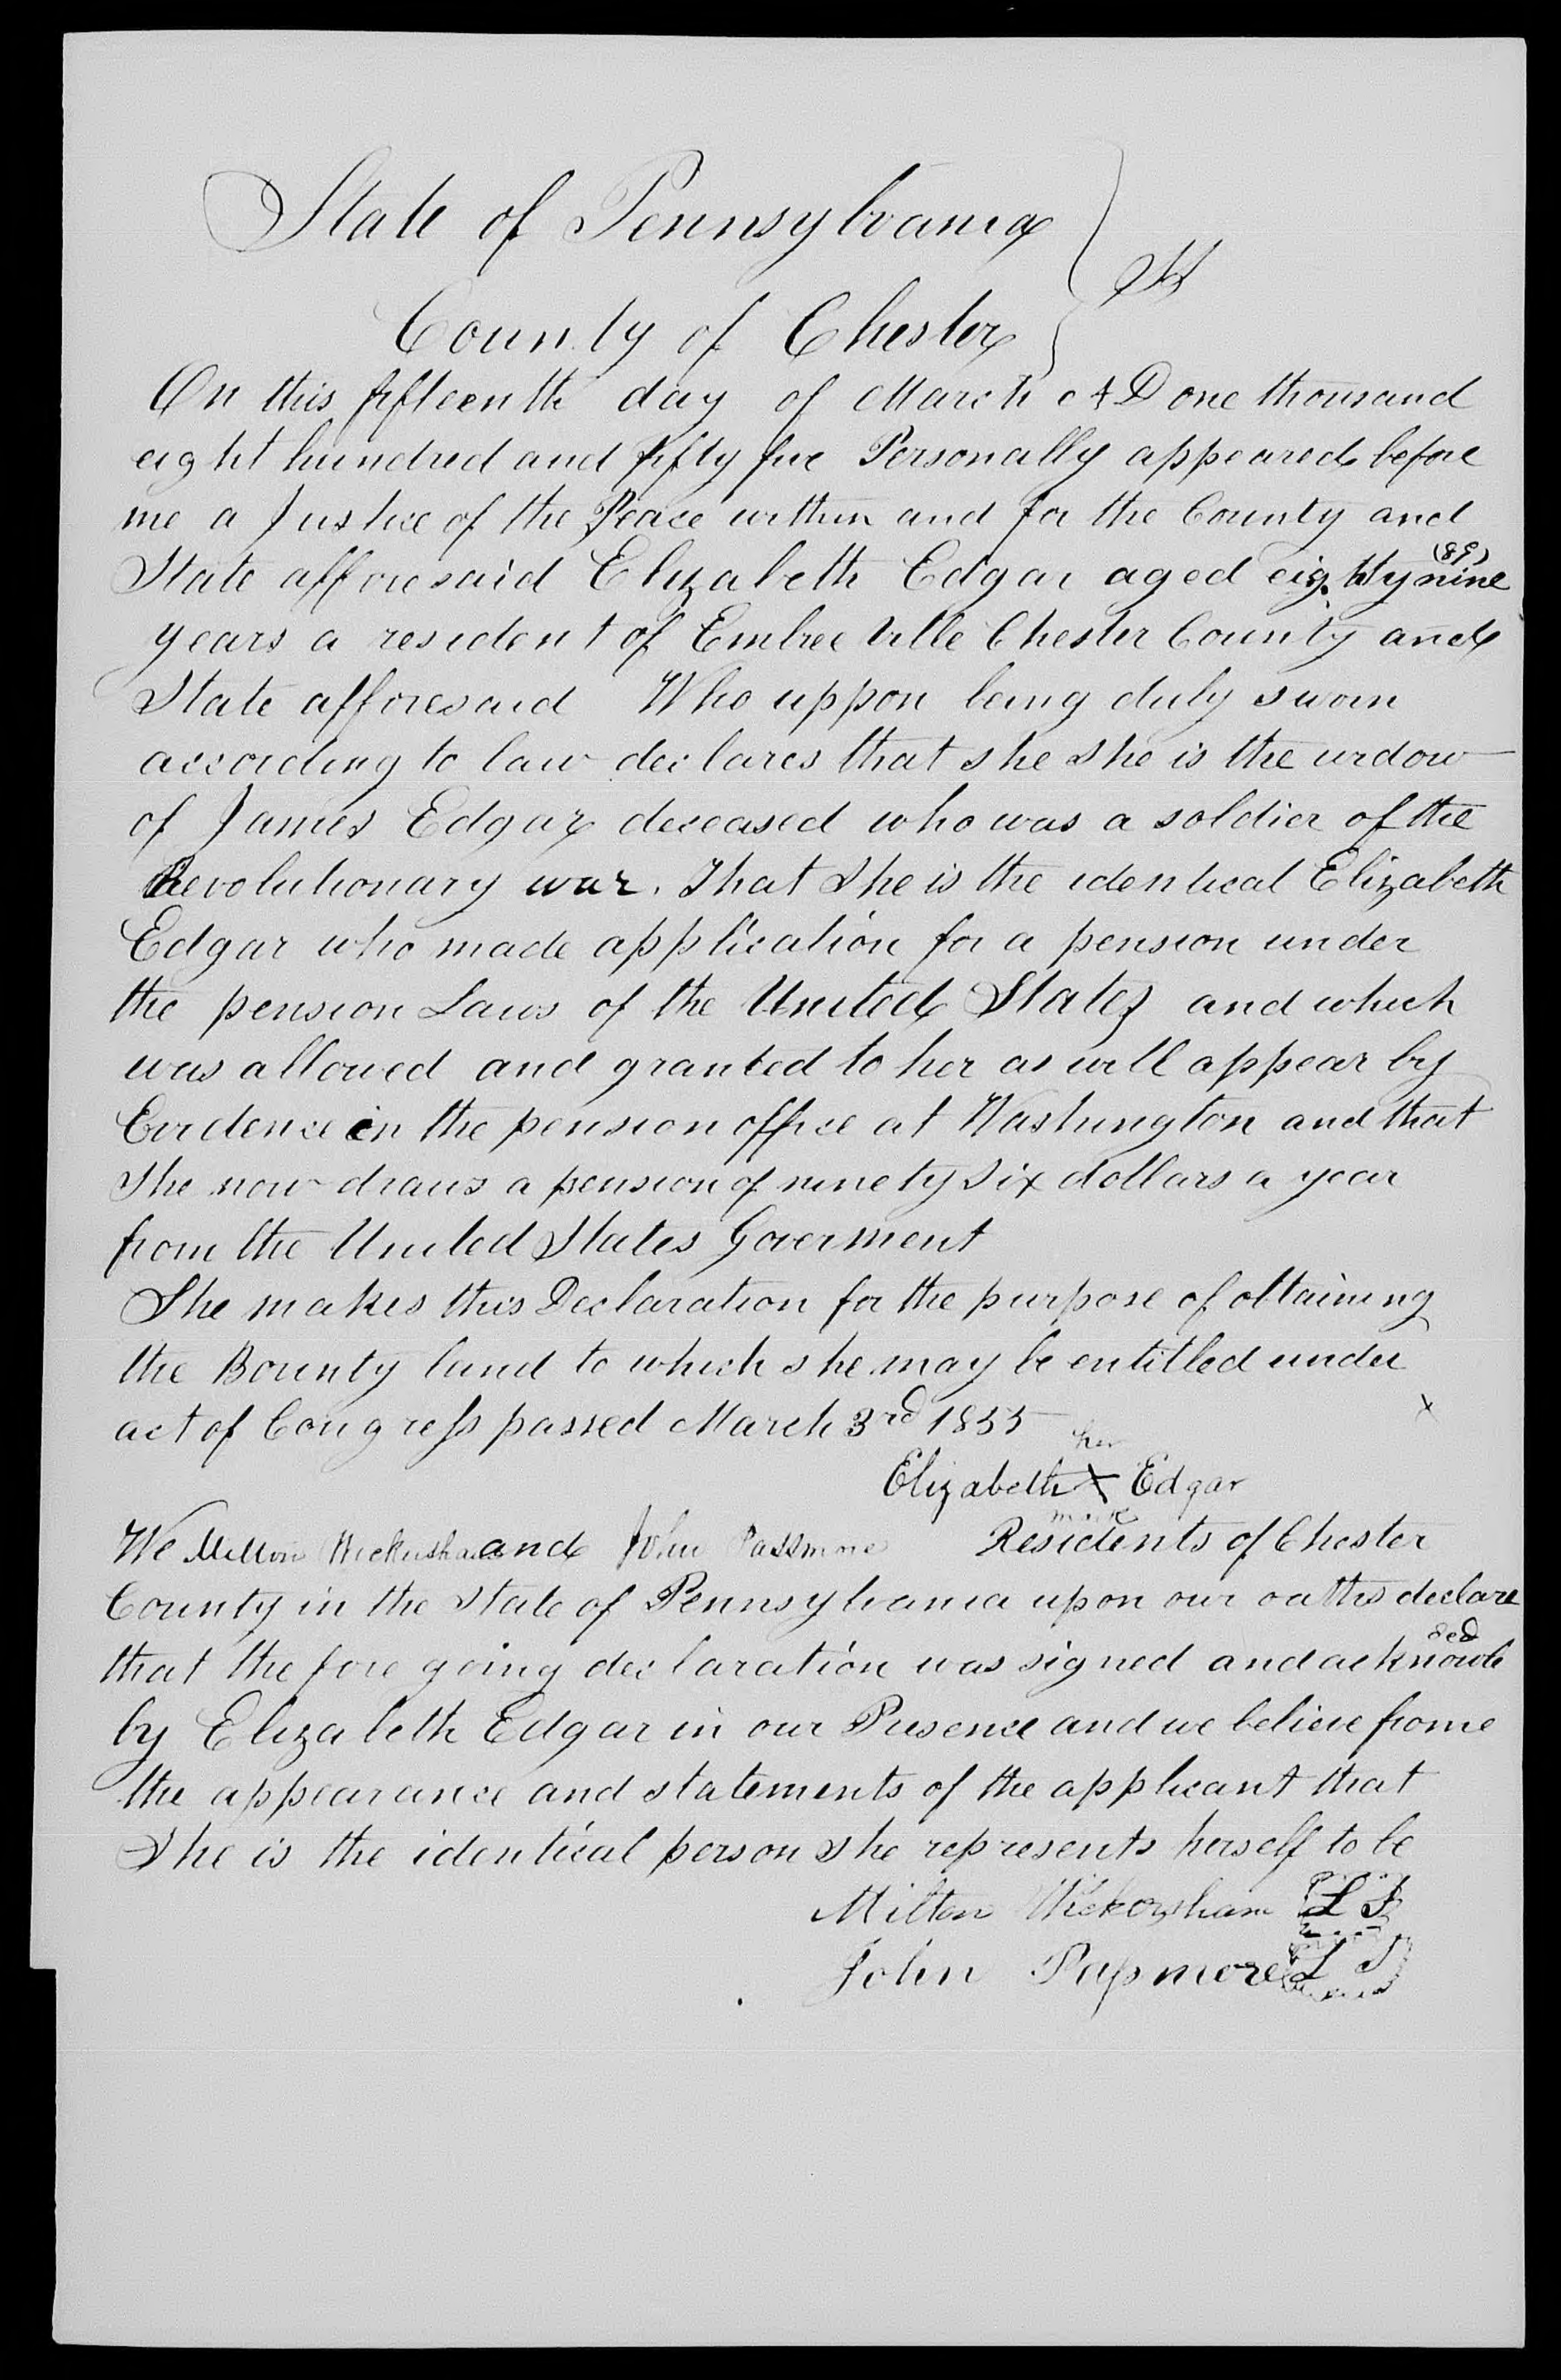State of Pennsylvania
County of Chester  W

On this fifteenth day of March A D one thousand eight hundred and fifty five personally appeared before me a Justice of the Peace within and for the County and State aforesaid Elizabeth Edgar aged eighty nine (89)
years a resident of Embreeville Chester County and State aforesaid.  Who upon being duly sworn according to law declares that she she is the widow of James Edgar deceased who was a soldier of the Revolutionary war. That she is the identical Elizabeth Edgar who made application for a pension under the
pension Laws of the United States and which
was allowed and granted to her as will appear by Evidence in the pension office at Washington and that the now draws a pension of ninety six dollars a year from the United States Government.

She makes this Declaration for the purpose of obtaining the Bounty land to which she may be entitled under act of Congress passed March 3rd 1833.
Elizabeth Edgar
her mark

We Milton Wickersham and John Passmore
Residents of Chester County in the State of Pennsylvania upon our oaths declare
that the foregoing declaration was signed and acknowledged by Elizabeth Edgar in our presence and we believe from the appearance and statements of the applicant that she is the identical person she represents herself to be
Milton Wickersham
John Passmore
(seal)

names: Elizabeth Edgar, John Passmore, Elizabeth Edgar, James Edgar, Milton Wickersham, Elizabeth Edgar, Milton Wickersham, Elizabeth Edgar, John Passmore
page: 18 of 74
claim: widow's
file: W. 9422, James Edgar, Penn.